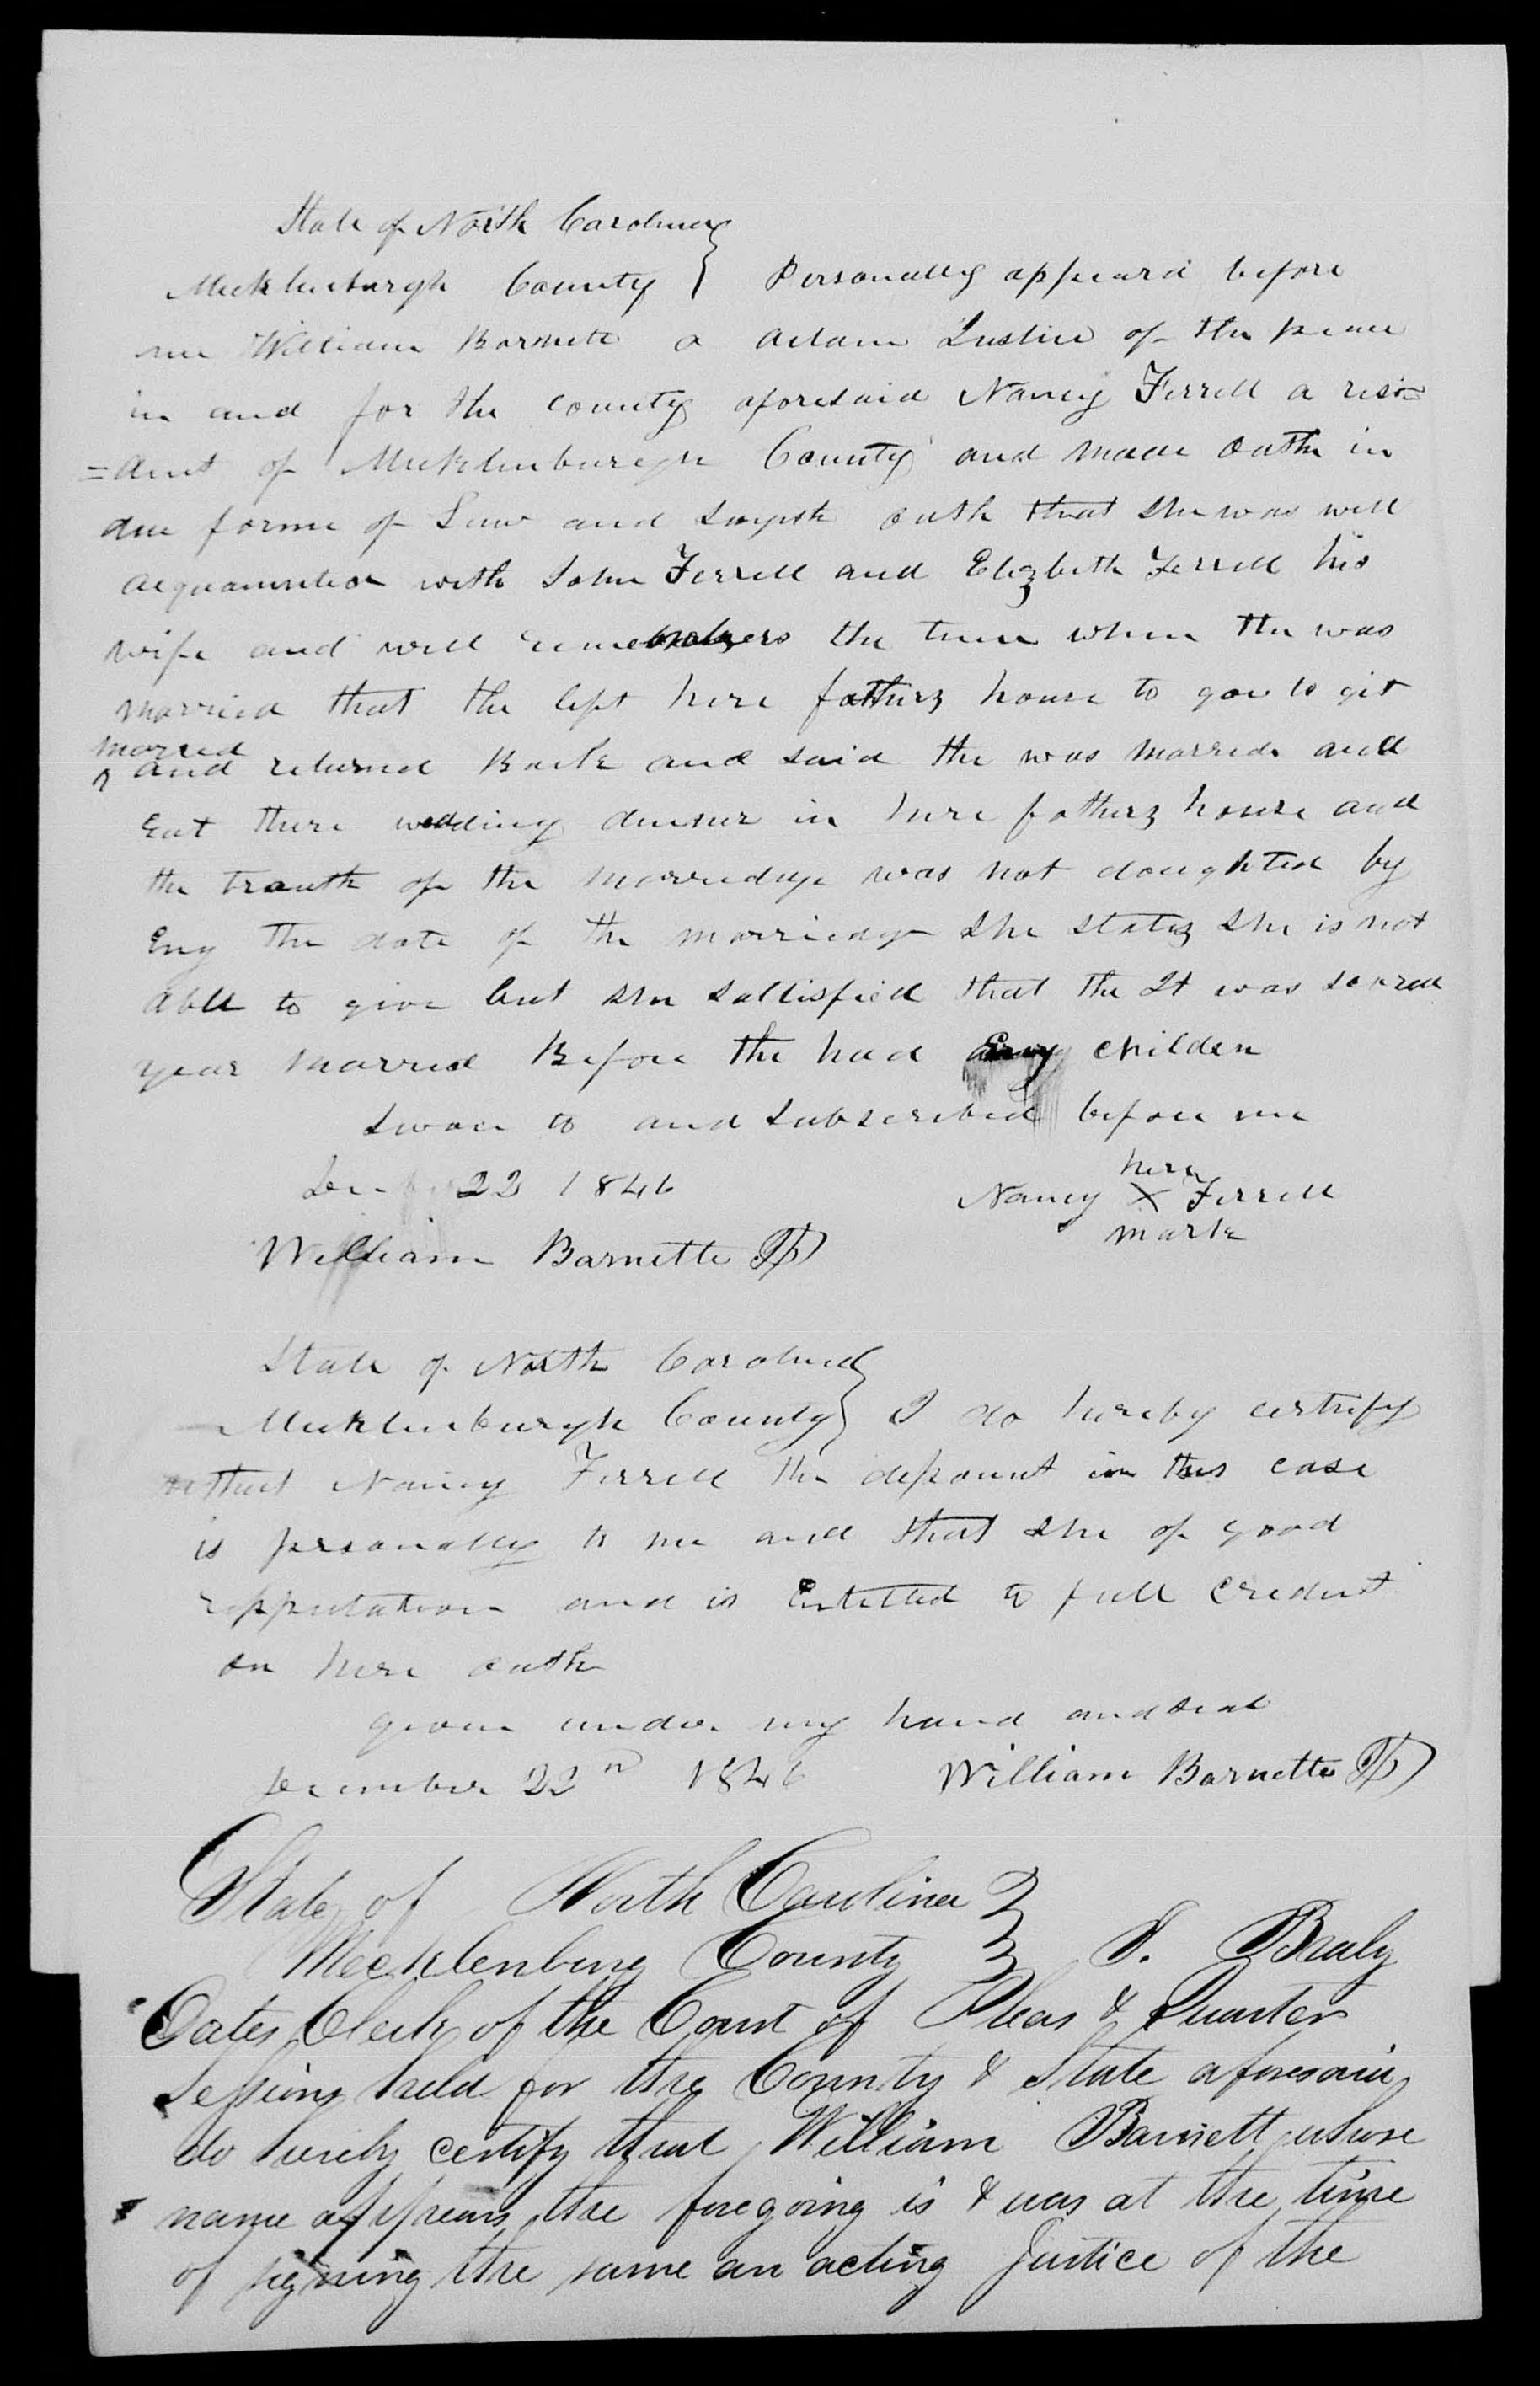State of North Carolina
Muckenburg County
Personally appeared before me William Barnette a acting Justice of the peace in and for the county aforesaid Nancy Ferrell a resident of Muckenburg County and made oath in an form of Law and sayeth oath that she was well acquainted with John Ferrell and Elizabeth Ferrell his wife and well remembers the time when they was married that the left here father’s house to go to git married and where back and said they was married and eat there wedding dinner in here farther’s house and the trauth of the marriage was not daughter by any the date of the marriage she state she is not able to give but she’s satisfied that the It was several years married Before the had any children.
Sworn to and subscribed before me
:illegible: 22, 1846
William Barnette JP
Nancy Ferrell her mark
State of North Carolina
Muckenburg County I do hereby certify oathed Nancy Ferrell the depaunt in this case is personally to me and that she of good repputation and is entitled a full credit of here oath.
Sworn under my hand and seal
December 22, 1846 William Barnette JP
State of North Carolina
Meckenburg County
S. Brady Oates Clerk of the Court of Pleas & Quarter Sessions held for the County & Dtate aforesaid do hereby certify that William Barnett whose name appears the foregoing is& was at the time of signing the same an acting Justice of the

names: William Barnett, Nancy Ferrell, Nancy Ferrell, John Ferrell, William Barnette, Elizabeth Ferrell, Nancy Ferrell, William Barnett, William Barnette, Braly Oates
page: 19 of 52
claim: rejected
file: R. 3,512, John Ferrell, N.C.